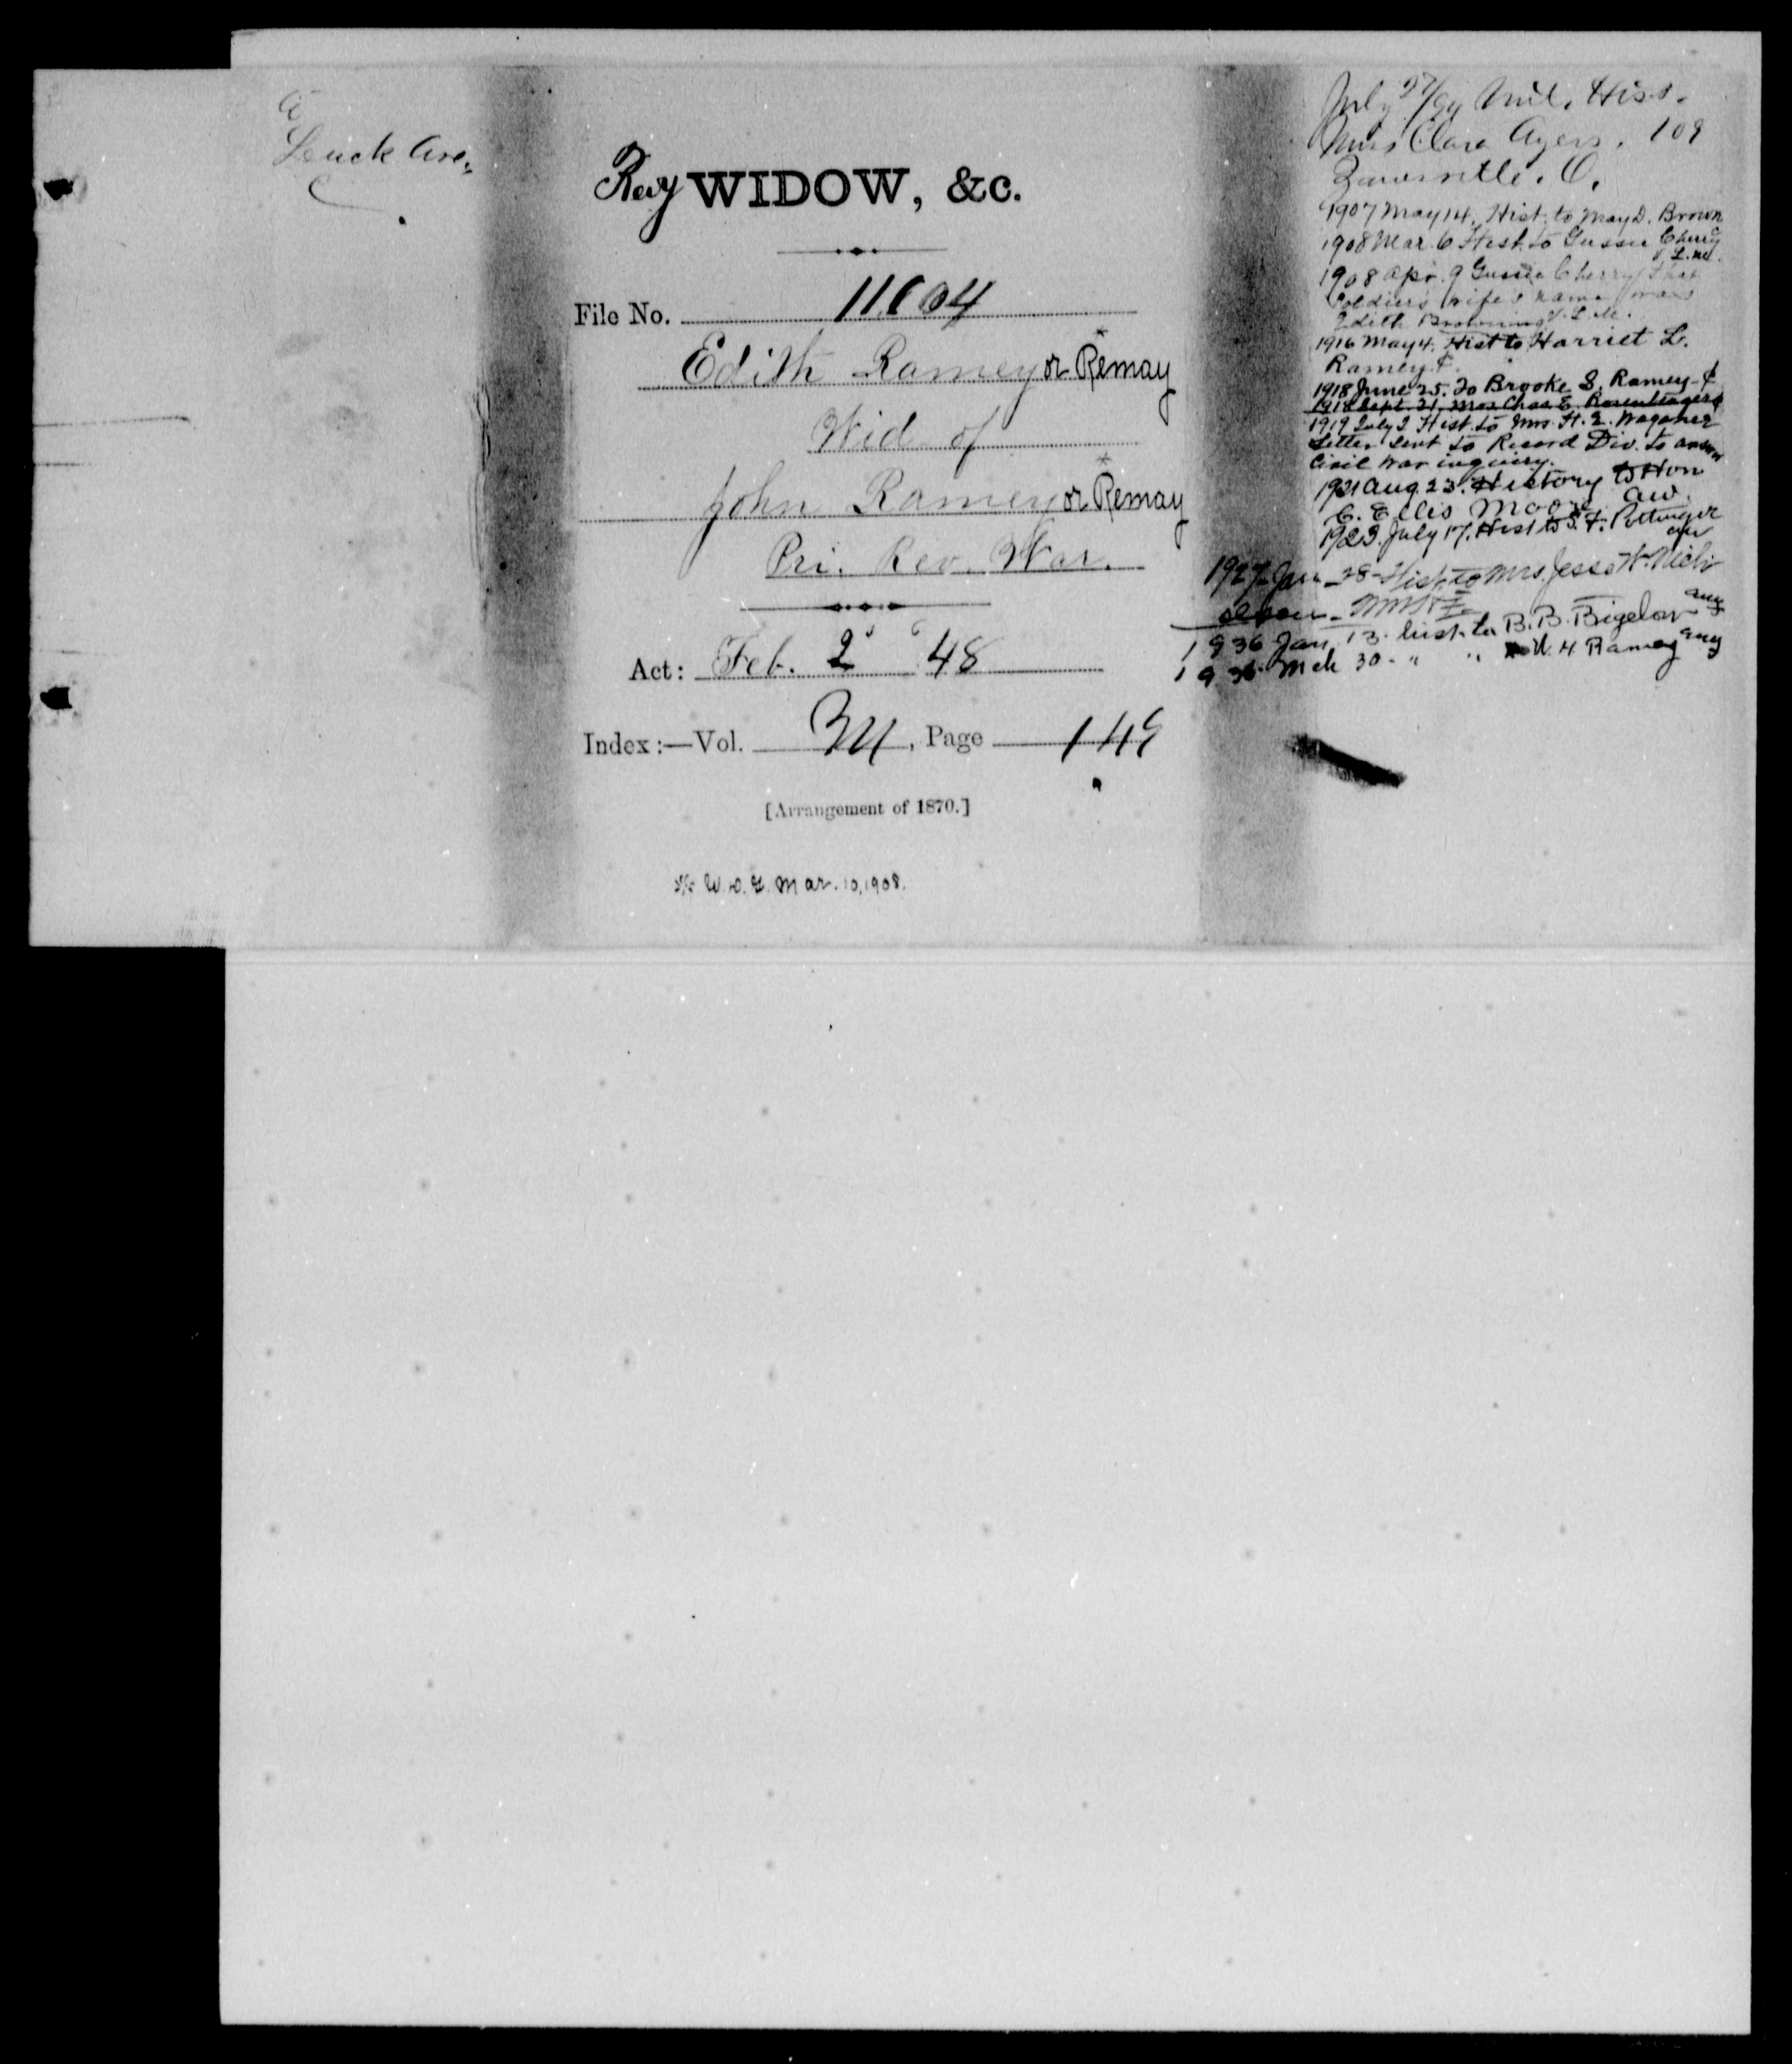Revy WIDOW, &c.
File No. 11,804
Edith Ramey or Remay*
Wid of
John Ramey or Remay*
Pri. Rev. War.
Act: Feb. 2 '48
Index:-Vol. M, Page 149
Arrangement of 1870.
*W.H. G. Mar. 10, 1908.

July 27/94 rmt. Hist.
Miss Clara Ayers, 109 Luck Ave.,
Zanesville, O.
1907 May 14, Hist. to May D. Brown C
1908 Mar. 6 Hist. to Gusser Cherry  VL.M
1908 Apr. 9 Gussie Cherry that soldier's wife's name was Edith Browning V.L.M.
1916 May 4, Hist. to Harriet L. Ramey. C.
1918 June 25. To Brooke S. Ramey - C
1918 Sept. 21, Mrs. Chas. E. Rosenberger
1919 July 2 Hist. to Mrs. H. E. Wagoner
Letter sent to Record Div. to address Civil War inquiry.
1921 Aug. 23. History to Hon C. Ellis Moore. AW.
1923. July 17, Hist to S. F. Puttinger AW
1927 - Jan - 28 - Hist. to Mrs. Jesse W. Nichslson - MMHF
1936 - Jan 13. hist. to B. B. Bigelow AWF
1936 Mch 30 - " " W. H. Ramey AWF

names: John Ramey; Edith Remay; Edith Ramey; John Remay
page: 30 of 84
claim: widow's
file: W.11104, for John Remay, Virginia